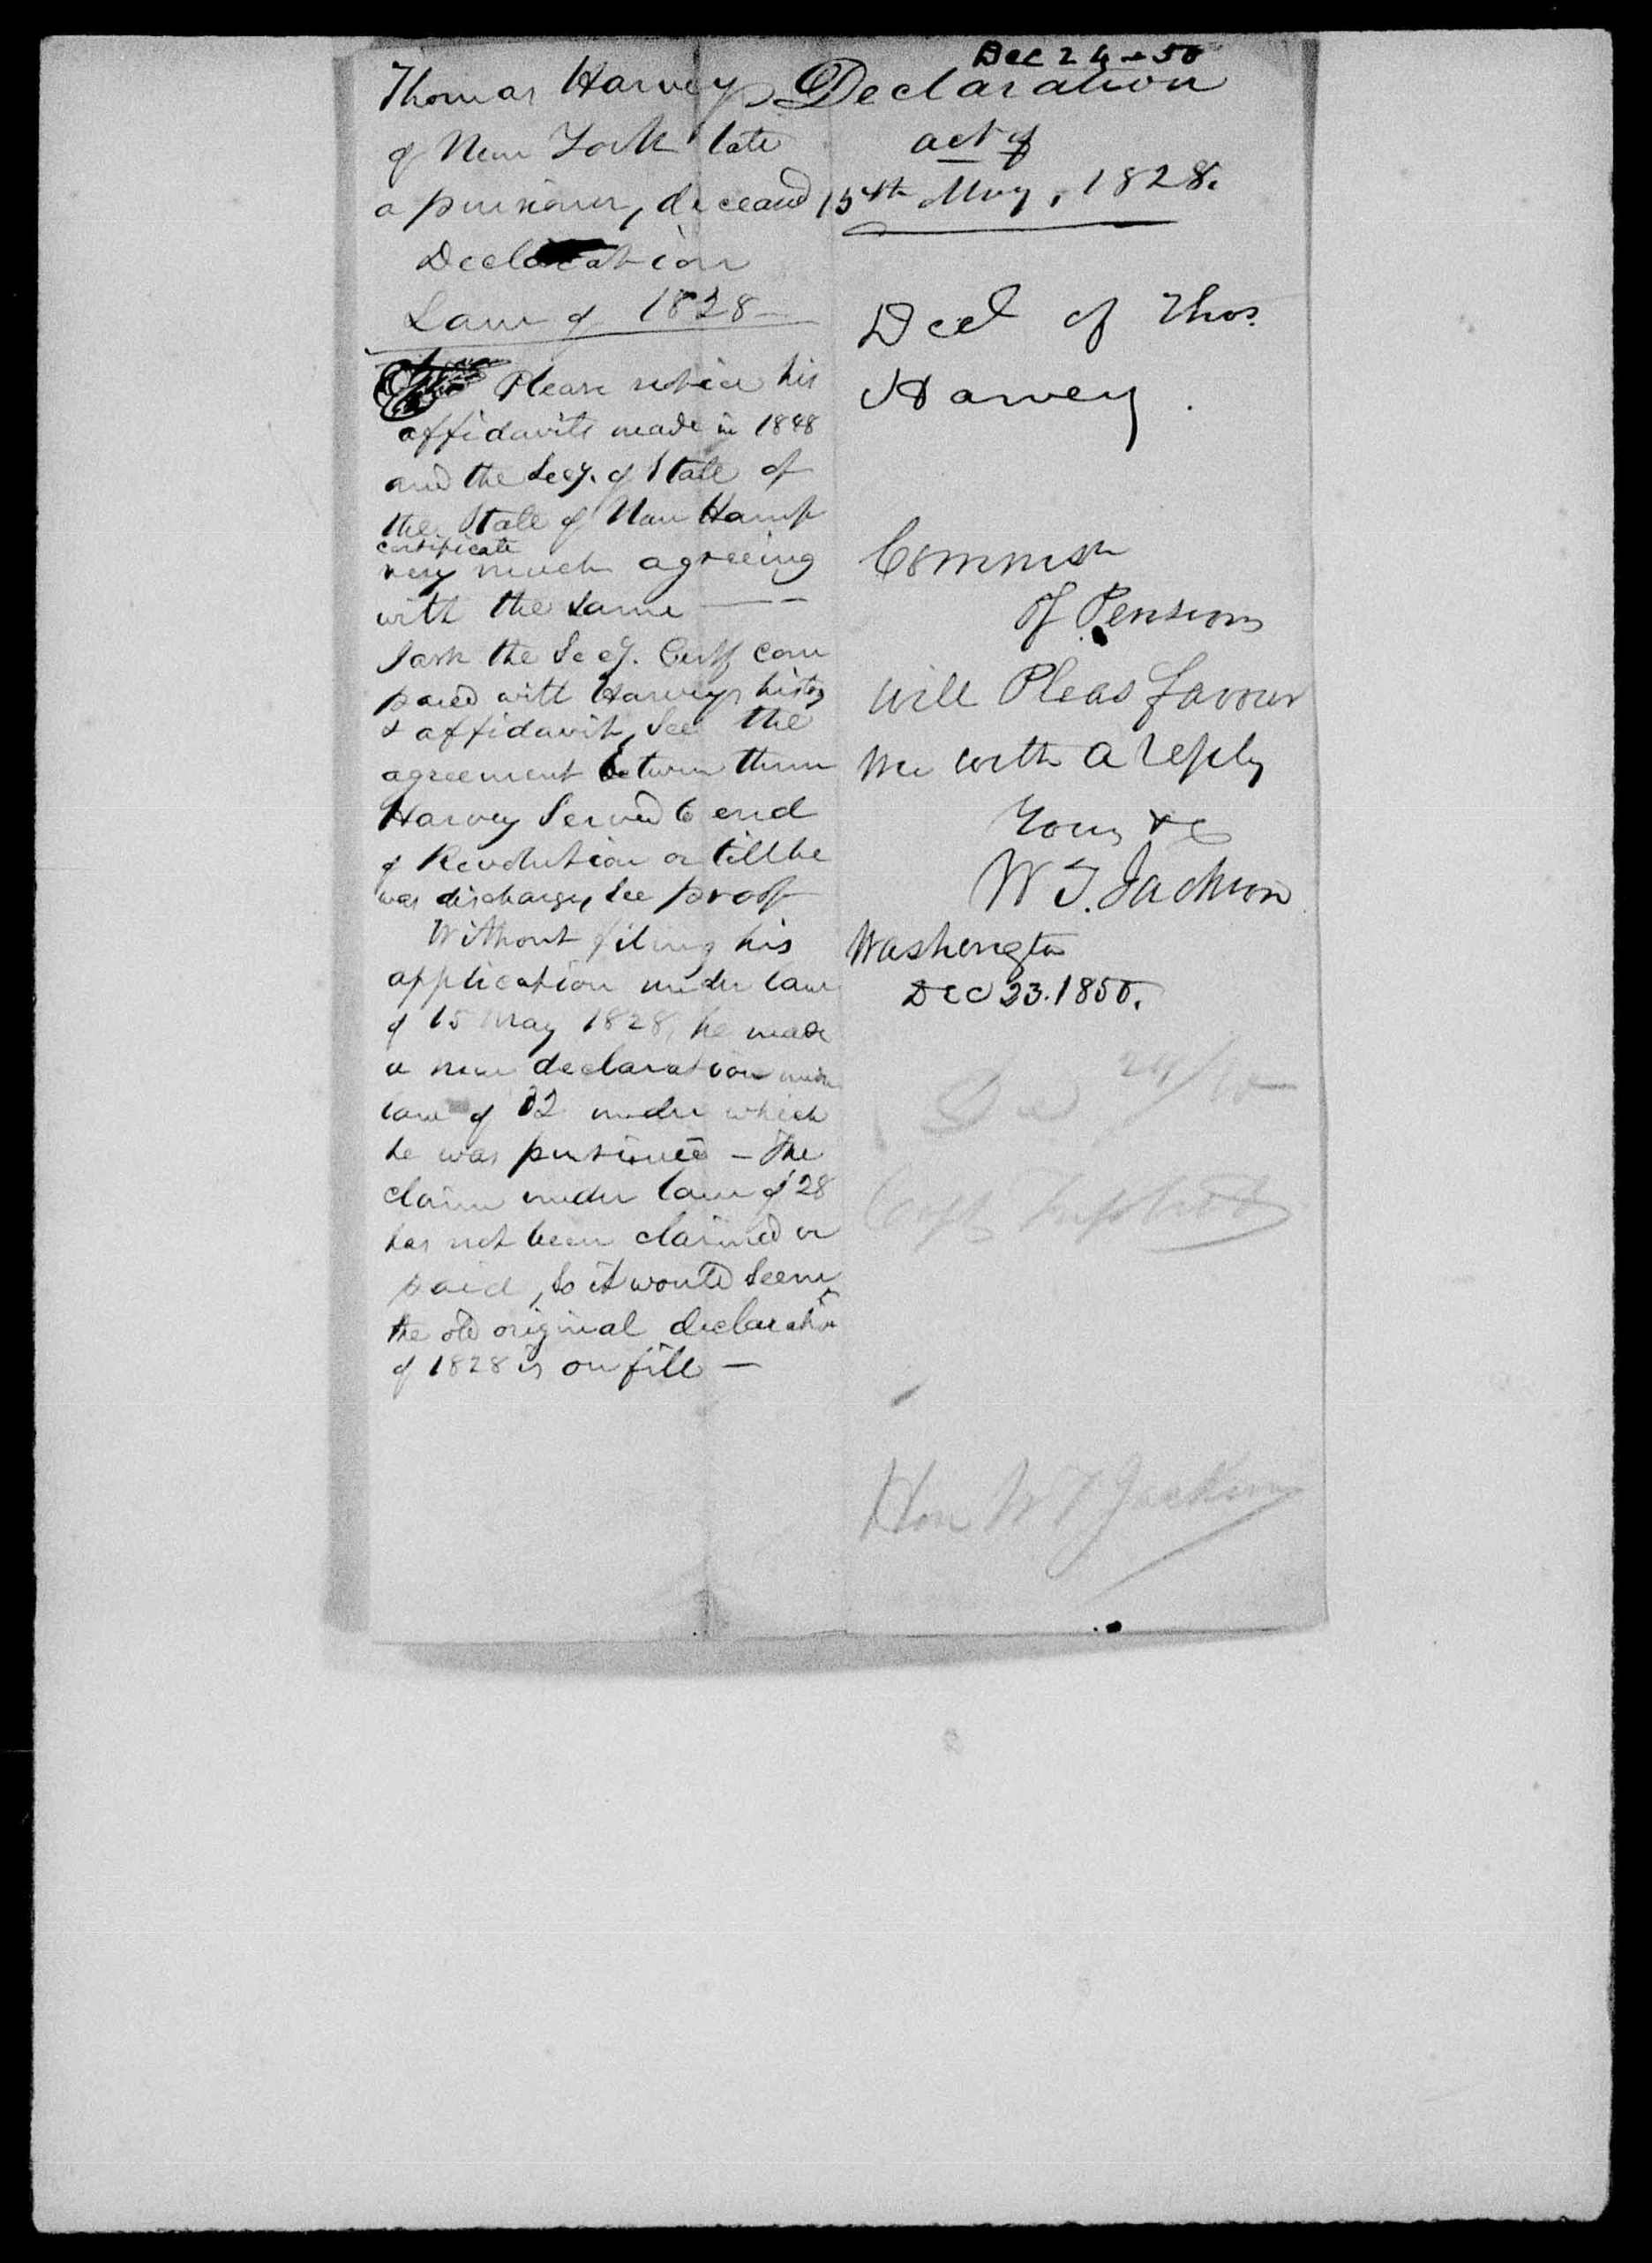[verso]
Thomas Harvey of New York late a pensioner, deceased
Declaration
Law of 1828 - 
Please notice his affidavits made in 1848 and the Secy. of State of the State of New Hamp certificate very much agreeing with the same - 
I ask the Sec'y Certf compared with Harvey's history & affidavit, See the agreement between them 
Harvey served to end of Revolution or till be was discharged, See proof 
Without filing his application under law of 15 May 1828, he made a new declaration under law of 32 under which he was pensioned - The claim under law of 28 has not been claimed or paid, So it would seem the old original declaration of 1828 is on file - 

[recto]
Dec 24 - 50
Declaration 
act of 15th May, 1828. 
Decl of Thos. Harvey.
Comm'r of Pensions
Will Pleas favour me with a reply
Yours &c
/s/W. T. Jackson 
Washington 
Dec 23, 1850. 
Dec 24/50
Capt. Triplett 
Hon W. T. Jackson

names: Thos Harvey, W T Jackson, Harvey, W T Jackson, Triplett, Harvey, Thomas Harvey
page: 78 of 80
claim: survivor's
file: S. 18008, Thomas Harvey, N.H.